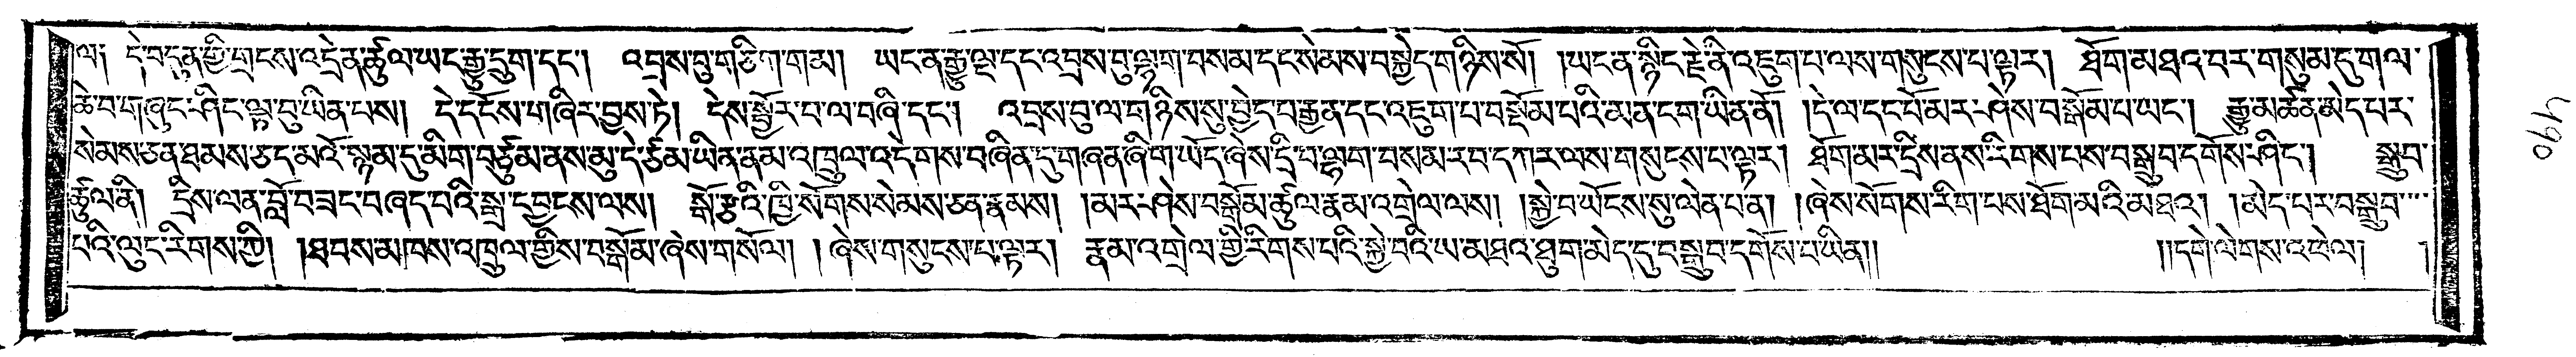ལེ༑ དེ་བདུན་གྱི་གྲངས་འདྲེན་ཚུལ་ཡང་རྒྱུ་དྲུག་དང་། འབྲས་བུ་གཅིག་གམ། ཡང་ན་རྒྱུ་ལྔ་དང་འབྲས་བུ་ལྷག་བསམ་དང་སེམས་བསྐྱེད་གཉིས་སོ། །ཡང་ན་སྙིང་རྗེ་ནི་འཇུག་པ་ལས་གསུངས་པ་ལྟར། ཐོག་མཐའ་བར་གསུམ་དུ་གལ་
ཆེ་བ་གཞུང་ཤིང་ལྟ་བུ་ཡིན་པས། དེ་དངོས་གཞིར་བྱས་ཏེ། དེས་སྦྱོར་བ་ལ་བཞི་དང་། འབྲས་བུ་ལ་གཉིས་སུ་བྱེད་པ་རྒྱན་དང་འཇུག་པ་བསྔོན་པའི་མན་ངག་ཡིན་ནོ། །དེ་ལ་དང་པོ་མར་ཤེས་བསྒོམ་པ་ཡང་། རྒྱུ་མཚན་མེད་པར་
སེམས་ཅན་ཐམས་ཅད་མའོ་སྙམ་དུ་མིག་བཙུམ་ནས་མུ་དེ་ཙམ་ཡིན་ནམ་འཁྲུལ་འདེགས་བཞིན་དུ་གཞན་ཞིག་ཡོད་ཞེས་དྲི་བ་ལྷག་བསམ་རབ་དཀར་ལས་གསུངས་པ་ལྟར། ཐོག་མར་དྲིས་ནས་རིགས་པས་བསྒྲུབ་དགོས་ཤིང་། སྒྲུབ་
ཚུལ་ནི། དྲིས་ལན་བློ་བཟང་བཞད་པའི་སྒྲ་དབྱངས་ལས། སྒོ་རྩའི་ཁྱི་སོགས་སེམས་ཅན་རྣམས། །མར་ཤེས་བསྒོམ་ཚུལ་རྣམ་འགྲེལ་ལས། །སྐྱེ་བ་ཡོངས་སུ་ལེན་པ་ན། །ཞེས་སོགས་རིག་པས་ཐོག་མའི་མཐའ། །མེད་པར་བསྒྲུབ་
པའི་ལུང་རིགས་ཀྱི། །ཐབས་མཁས་འཁྲུལ་གྱིས་བསྒོམ་ཞེས་གསོལ། །ཞེས་གསུངས་པ་ལྟར། རྣམ་འགྲེལ་གྱི་རིགས་པའི་སྐྱེ་བའི་ཡ་མཐའ་ཐུགས་མེད་དུ་བསྒྲུབ་དགོས་པ་ཡིན།། །།དགེ་ལེགས་འཕེལ། །